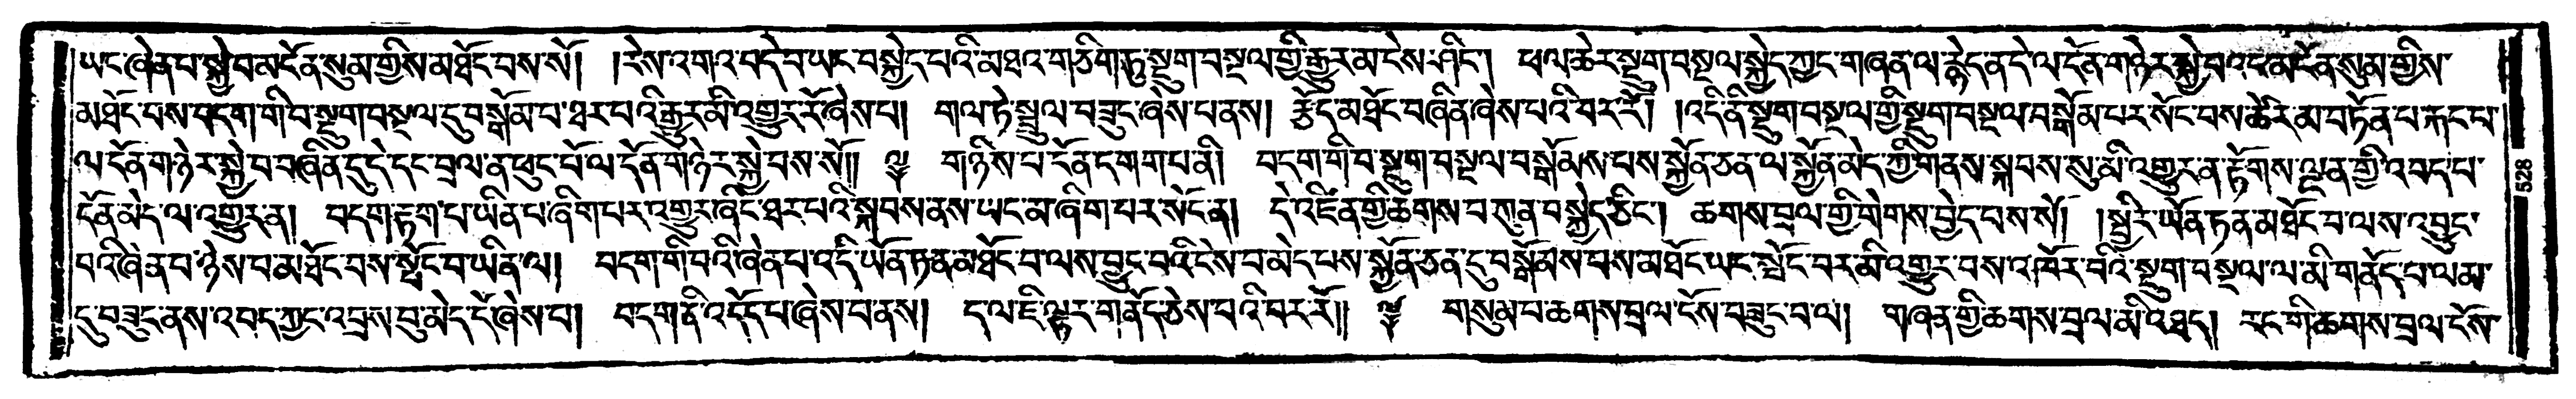ཡང་ཞེན་པ་སྐྱེ་བ་མངོན་སུམ་གྱིས་མཐོང་བས་སོ། །རེས་འགའ་བདེ་བ་ཡང་བསྐྱེད་པའི་མཐའ་གཅིག་ཏུ་སྡུག་བསྔལ་གྱི་རྒྱུར་མ་ངེས་ཤིང་། ཕལ་ཆེར་སྡུག་བསྔལ་སྐྱེད་ཀྱང་གཞན་ལ་རྙེད་ན་དེ་ལ་དོན་གཉེར་སྐྱེ་བའང་མངོན་སུམ་གྱིས་
མཐོང་བས་བདག་གི་བ་སྡུག་བསྔལ་དུ་བསྒོམ་པ་ཐར་པའི་རྒྱུར་མི་འགྱུར་རོ་ཞེས་པ། གལ་ཏེ་སྦྲུལ་བཟུང་ཞེས་པ་ནས། རྩོད་མཐོང་བཞིན་ཞེས་པའི་བར་རོ། །འདི་ནི་སྡུག་བསྔལ་གྱི་སྡུག་བསྔལ་བསྒོམ་པར་སོང་བས་ཚེར་མ་བཏོན་པ་རྐང་པ་
ལ་དོན་གཉེར་སྐྱེ་བ་བཞིན་དུ་དེ་དང་བྲལ་ན་ཕུང་པོ་ལ་དོན་གཉེར་སྐྱེ་བས་སོ།། ༈ གཉིས་པ་དོན་དགག་པ་ནི། བདག་གི་བ་སྡུག་བསྔལ་བསྒོམས་པས་སྐྱོན་ཅན་ལ་སྐྱོན་མེད་ཀྱི་གནས་སྐབས་སུ་མི་འགྱུར་ན་རྟོགས་ལྡན་གྱི་འབད་པ་
དོན་མེད་ལ་འགྱུར་ན། བདག་རྟག་པ་ཡིན་པ་ཞིག་པར་འགྱུར་ཞིང་ཐར་པའི་སྐབས་ནས་ཡང་མ་ཞིག་པར་སོང་ན། དེ་འཛིན་གྱི་ཆགས་པ་ཀུན་བསྐྱེད་ཅིང་། ཆགས་བྲལ་གྱི་གེགས་བྱེད་པས་སོ། །སྤྱིར་ཡོན་ཏན་མཐོང་བ་ལས་འབྱུང་
བའི་ཞེན་པ་ཉེས་པ་མཐོང་བས་སྤོང་བ་ཡིན་ལ། བདག་གི་བའི་ཞེན་པ་འདི་ཡོན་ཏན་མཐོང་བ་ལས་བྱུང་བའི་ངེས་པ་མེད་པས་སྐྱོན་ཅན་དུ་བསྒོམས་པས་མཐོང་ཡང་སྤོང་བར་མི་འགྱུར་བས་འཁོར་བའི་སྡུག་བསྔལ་ལ་མི་གནོད་པ་ལམ་
དུ་བཟུང་ནས་འབད་ཀྱང་འབྲས་བུ་མེད་དོ་ཞེས་པ། བདག་ནི་འདོད་པ་ཞེས་པ་ནས། ད་ལ་ཇི་ལྟར་གནོད་ཅེས་པའི་བར་རོ།། ༈ གསུམ་པ་ཆགས་བྲལ་ངོས་བཟུང་བ་ལ། གཞན་གྱི་ཆགས་བྲལ་མི་འཐད། རང་གི་ཆགས་བྲལ་ངོས་